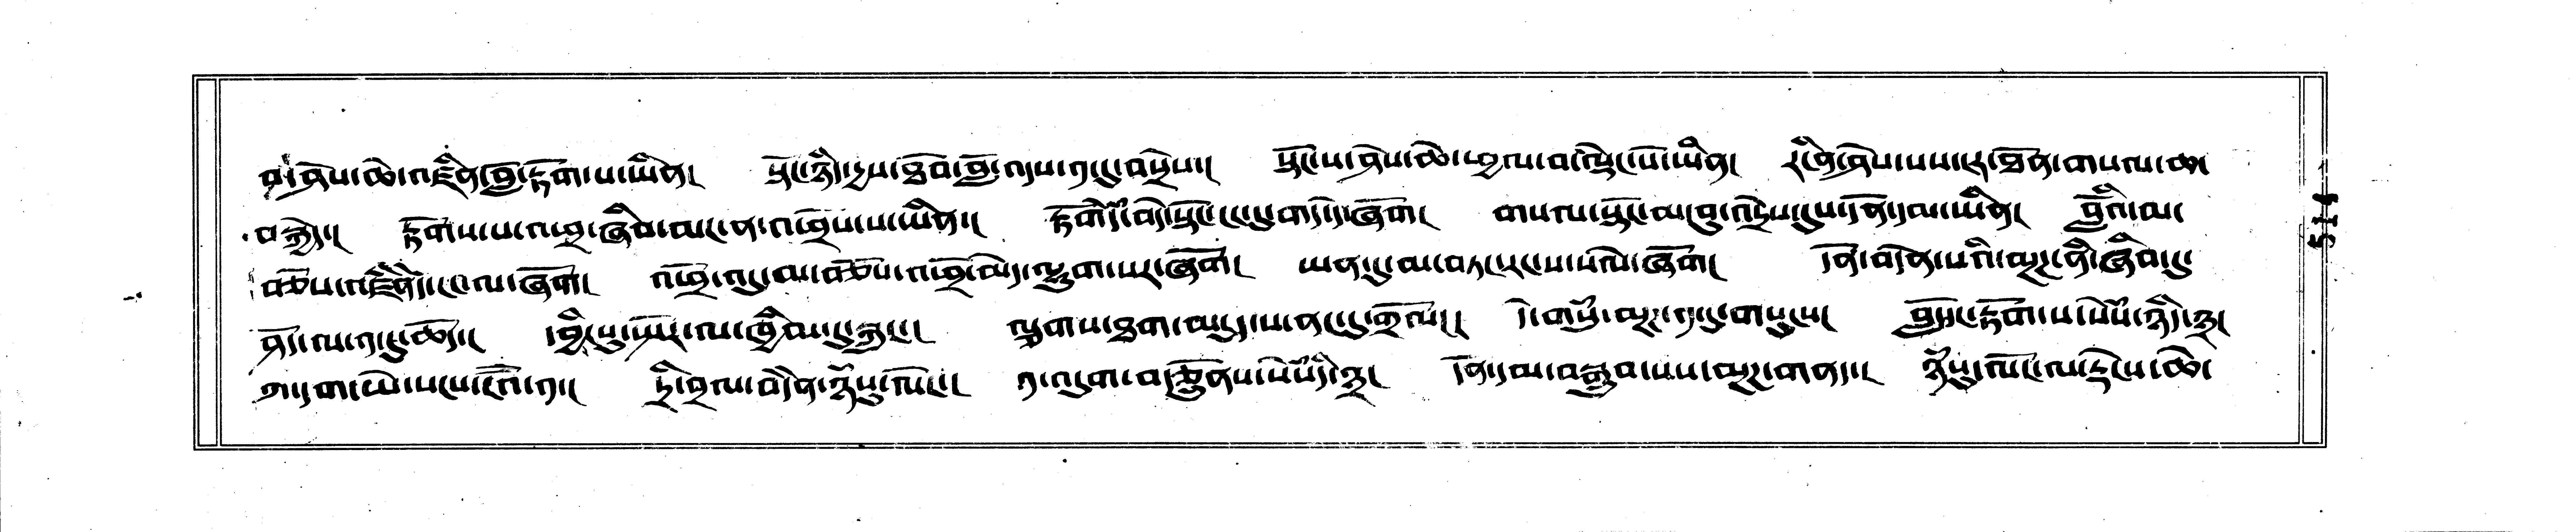པ་ཤེས་ཆེ་ན་འཛིན་བློ་རྟོག་པ་ཡིན། སྟོང་ཉིད་རྒྱས་ཐོབ་བློ་འདས་ཅིག་ཏུ་སྲེས། སྟོང་པའི་ཤེས་ཆེན་ལྟ་བ་ལྡིང་པོ་ཡིན། རང་རིག་ཤེས་པ་ངར་ཐོན་གསལ་ཆ་
བསྐྱེད། རྟོག་པ་འཕྲོ་ཞིང་‘‘འཕྲ་ཞིབ”མང་༼ན༽འཕྲོས་པ་ཡིན། རྟོགས་མེད་བདེ་སྟོང་ངང་དུ་ཀད་དེ་ཞོག གསལ་སྟོང་མ་བུ་འདྲེས་དུས་དོན་དམ་ཡིན། བློའི་མ་
བཅོས་འཛིན་མེད་ངང་དུ་ཞོག འཕྲོ་རུ་མ་བཅུག་འགྲོ་༼འཕྲོ༽མེད་ལྷུག་པར་ཞོག ཡེངས་དུ་མ་བཏང་རང་སར་སལེ་ཞོག དོན་དམ་བདེན་པའི་མེ་ངག་ནི། ཞིབ་དུ་
གཤེགས་ལ་ཏུ་ཆོད། དབྱིངས་སུ་སྤོར་ལ་ཁྱིམ་སུ་སྐུང་། ལྕག་ཐག་མདུད་པ་ནང་ན་ཁྲོལ། དེ་གསུམ་མེན་ངག་ཅིག་དུ་གསུངས། བློ་དང་རྟོག་པ་སེམས་ཉིད་གསུམ།
གནས་པ་གཞི་ལ་འཁོར་བར་གནད། ཀ་དག་ཡེ་སངས་ངོའོ་ཅིག དྲི་བྲལ་བདེ་ཆེན་ཉམས་སུ་ལོངས། ཅིག་འདུག་བརྩོན་འགྲུས་སེམས་བསྐྱེད་གསུམ། དོན་དམ་བསྒྲུབས་པའི་མེ་ངག་གནད། ཉམས་སུ་ལོང་ལ་ལྡིང་༼གདེང་༽ཆེན་